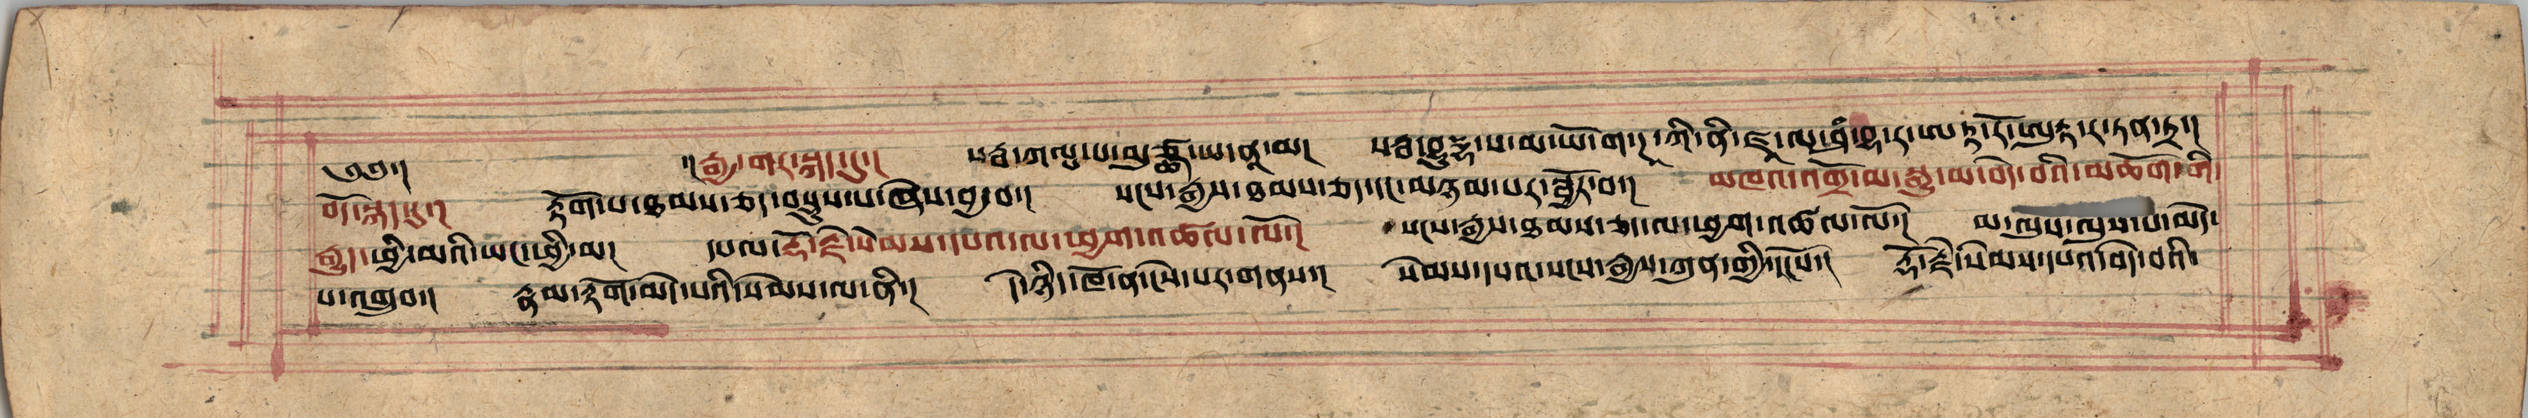༄༅་། ་།རྒྱ་གར་སྐད་དུ་། སརྦ་ཀལྤ་པ་མུཙྩ་ཡ་ནཱ་མ། སརྦ་བྷུདྡྷ་ས་མ་ཡོ་ག་ཌཱ་ཀི་ནི་ཛཱ་ལ་ཤཾ་བྷ་ར་ཨཏྟ་རོ་ཨུཏྟ་ར་ཏན་ཏྲ་།
བོད་སྐད་དུ་། རྟོག་པ་ཐམས་ཅད་བསྡུས་པ་ཞེས་བྱ་བ་། སངས་རྒྱས་ཐམས་ཅད་དང་མཉམ་པར་སྦྱོར་བ་། མཁའ་འགྲོ་མ་སྒྱུ་མ་བདེ་བའི་མཆོག་གི་
རྒྱུད་ཕྱི་མའི་ཡང་ཕྱི་མ། དཔལ་རྡོ་རྗེ་སེམས་དཔའ་ལ་ཕྱག་འཚལ་ལོ་། སངས་རྒྱས་ཐམས་ཅད་ལ་ཕྱག་འཚལ་ལོ་། མ་ལུས་ལུས་པ་མེད་
པ་འགྲུབ་། རྣམ་རྟོག་མེད་པའི་སེམས་ལ་ནི་། དེ་ཉིད་ཁོ་ན་ངེས་པར་གནས་། སེམས་དཔའ་སངས་རྒྱས་ཀུན་གྱིས་དངོས་། རྡོ་རྗེ་སེམས་དཔའ་བདེ་བའི་